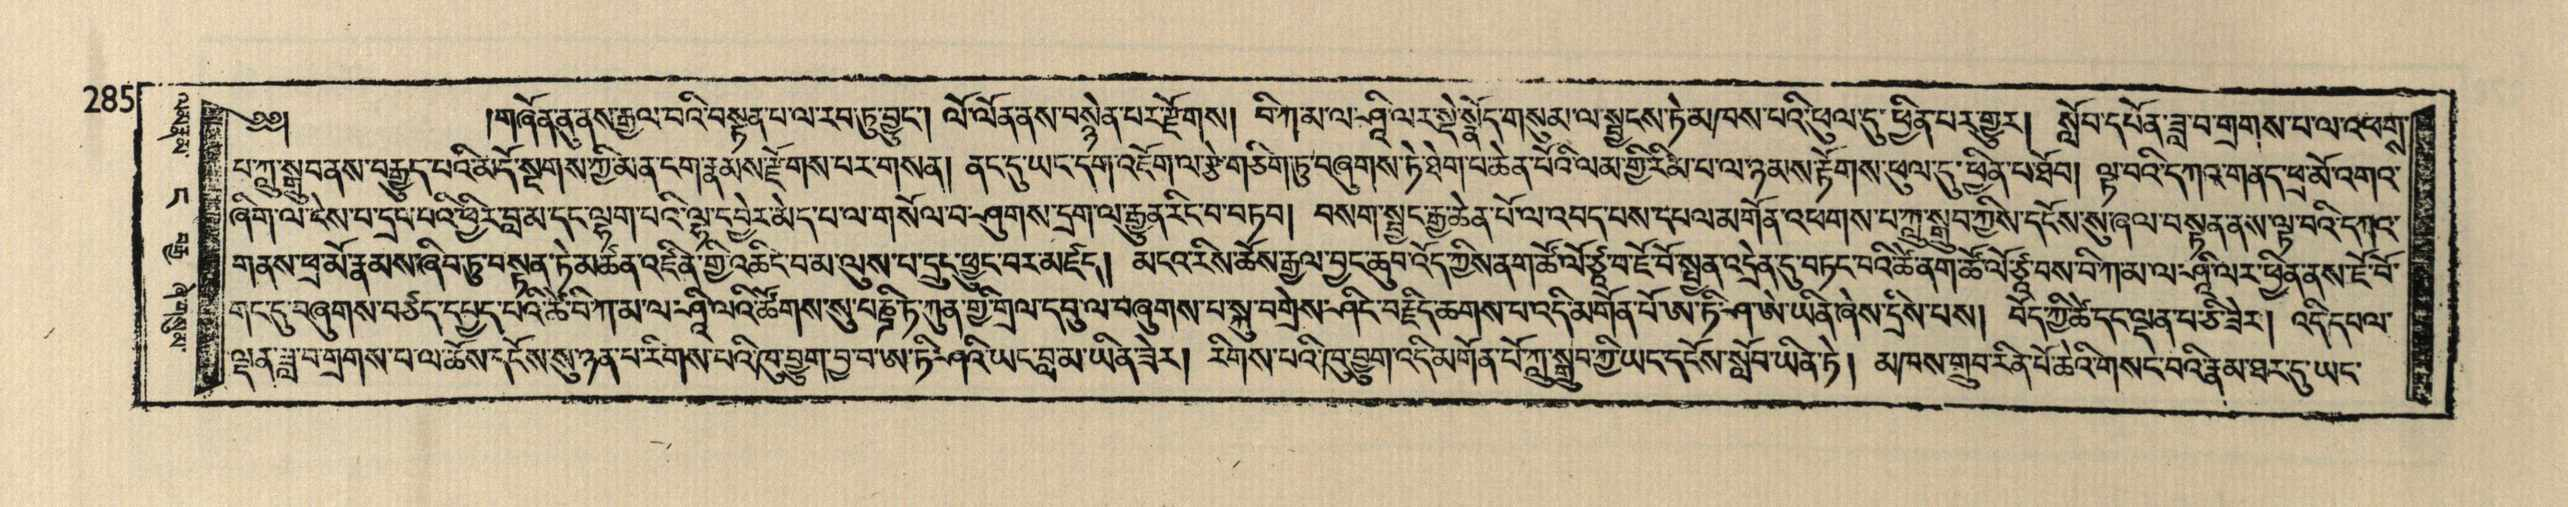༄༅། །གཞོན་ནུ་ནས་རྒྱལ་བའི་བསྟན་པ་ལ་རབ་ཏུ་བྱུང་། ལོ་ལོན་ནས་བསྙེན་པར་རྫོགས། བི་ཀ་མ་ལ་ཤཱི་ལར་སྡེ་སྣོད་གསུམ་ལ་སྦྱངས་ཏེ་མཁས་པའི་ཕུལ་དུ་ཕྱིན་པར་གྱུར། སློབ་དཔོན་ཟླ་བ་གྲགས་པ་ལ་འཕགས་
པ་ཀླུ་སྒྲུབ་ནས་བརྒྱུད་པའི་མདོ་སྔགས་ཀྱི་མན་ངག་རྣམས་རྫོགས་པར་གསན། ནང་དུ་ཡང་དག་འཇོག་ལ་རྩེ་གཅིག་ཏུ་བཞུགས་ཏེ་ཐེག་པ་ཆེན་པོའི་ལམ་གྱི་རིམ་པ་ལ་ཉམས་རྟོགས་ཕུལ་དུ་ཕྱིན་པ་ཐོབ། ལྟ་བའི་དཀའ་གནད་ཕྲ་མོ་འགའ་
ཞིག་ལ་ངེས་པ་དྲང་པའི་ཕྱིར་བླ་མ་དང་ལྷག་པའི་ལྷ་དབྱེར་མེད་པ་ལ་གསོལ་བ་ཤུགས་དྲག་ལ་རྒྱུན་རིང་བ་བཏབ། བསག་སྦྱང་རྒྱ་ཆེན་པོ་ལ་འབད་པས་དཔལ་མགོན་འཕགས་པ་ཀླུ་སྒྲུབ་ཀྱིས་དངོས་སུ་ཞལ་བསྟན་ནས་ལྟ་བའི་དཀའ་
གནས་ཕྲ་མོ་རྣམས་ཞིབ་ཏུ་བསྟན་ཏེ་མཚན་འཛིན་གྱི་འཆིང་བ་མ་ལུས་པ་དྲུང་ཕྱུང་བར་མཛད། མངའ་རིས་ཆོས་རྒྱལ་བྱང་ཆུབ་འོད་ཀྱིས་ནག་ཚོ་ལོ་ཙཱ་བ་ཇོ་བོ་སྤྱན་འདྲེན་དུ་བཏང་བའི་ཚེ་ནག་ཚོ་ལོ་ཙཱ་བས་བི་ཀ་མ་ལ་ཤཱི་ལར་ཕྱིན་ནས་ཇོ་བོ་
གང་དུ་བཞུགས་བཙད་དཔྱད་པའི་ཚེ་བི་ཀ་མ་ལ་ཤཱི་ལའི་ཚོགས་སུ་པཎྜི་ཏ་ཀུན་གྱི་གྲལ་དབུ་ལ་བཞུགས་པ་སྐུ་བགྲེས་ཤིང་བརྗིད་ཆགས་པ་འདི་མགོན་པོ་ཨ་ཏི་ཤ་ཨེ་ཡིན་ཞེས་དྲིས་པས། བོད་ཀྱི་ཚེ་དང་ལྡན་པ་ཅི་ཟེར། འདི་དཔལ་
ལྡན་ཟླ་བ་གྲགས་པ་ལ་ཆོས་དངོས་སུ་ཉན་པ་རིགས་པའི་ཁུ་བྱུག་བྱ་བ་ཨ་ཏི་ཤའི་ཡང་བླ་མ་ཡིན་ཟེར། རིགས་པའི་ཁུ་བྱུག་འདི་མགོན་པོ་ཀླུ་སྒྲུབ་ཀྱི་ཡང་དངོས་སློབ་ཡིན་ཏེ། མཁས་གྲུབ་རིན་པོ་ཆེའི་གསང་བའི་རྣམ་ཐར་དུ་ཡང་